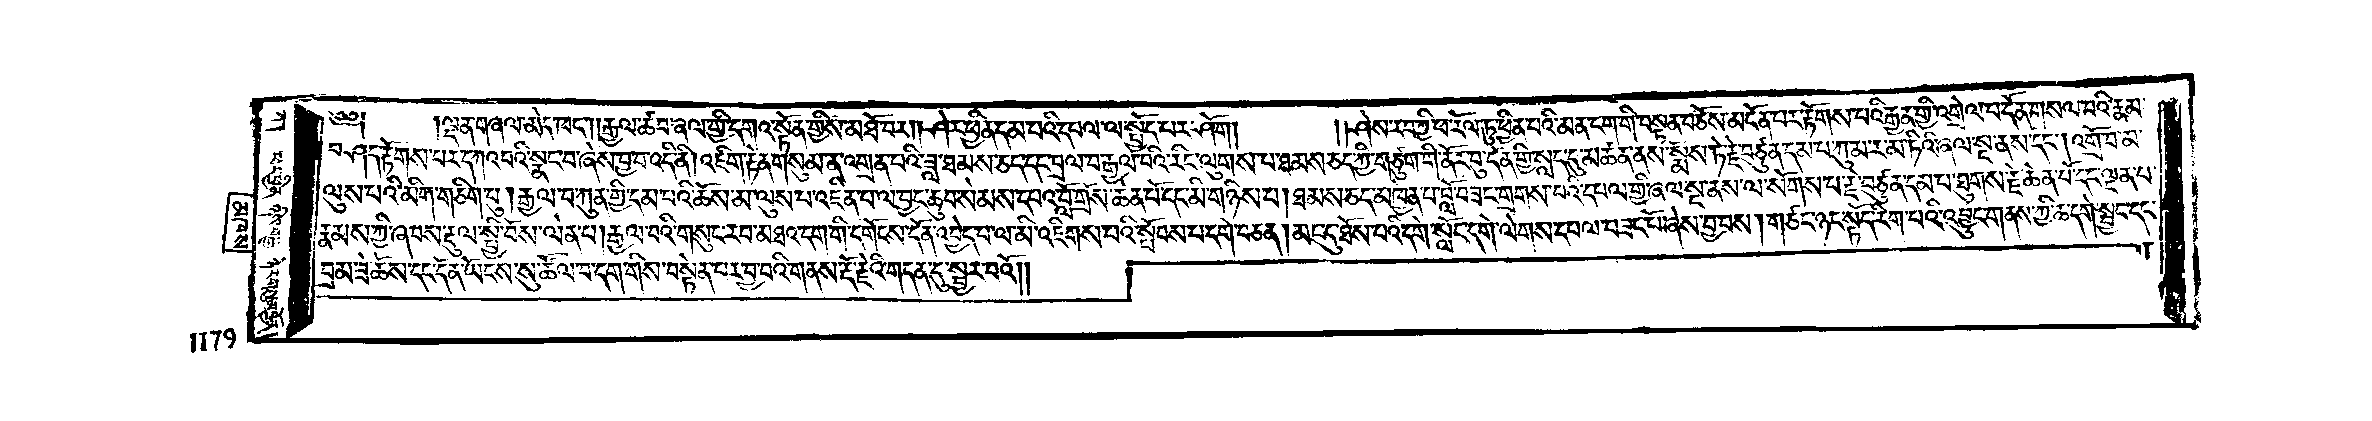༄༅། །ལྡན་གཞལ་མེད་ཁང་། །རྒྱལ་ཚབ་ཞལ་གྱི་དགའ་སྟོན་གྱིས་མཐོ་བར། །ཤེར་ཕྱིན་དམ་པའི་དཔལ་ལ་སྤྱོད་པར་ཤོག། །།ཤེས་རབ་ཀྱི་ཕ་རོལ་ཏུ་ཕྱིན་པའི་མན་ངག་གི་བསྟན་བཅོས་མངོན་པར་རྟོགས་པའི་རྒྱན་གྱི་འགྲེལ་བ་དོན་གསལ་བའི་རྣམ་
བཤད་རྟོགས་པར་དཀའ་བའི་སྣང་བ་ཞེས་བྱ་བ་འདི་ནི། འཇིག་རྟེན་གསུམ་ན་འགྲན་པའི་ཟླ་ཐམས་ཅད་དང་བྲལ་བ་རྒྱལ་བའི་རིང་ལུགས་པ་ཐམས་ཅད་ཀྱི་གཙུག་གི་ནོར་བུ་དོན་གྱི་སླད་དུ་མཚན་ནས་སྨོས་ཏེ་རྗེ་བཙུན་དམ་པ་ཀུ་མ་ར་མ་ཏིའི་ཞལ་སྔ་ནས་དང་། འགྲོ་བ་མ་
ལུས་པའི་མིག་གཅིག་པུ། རྒྱལ་བ་ཀུན་གྱི་དམ་པའི་ཆོས་མ་ལུས་པ་འཛིན་པ་ལ་བྱང་ཆུབ་སེམས་དཔའ་བློ་གྲོས་ཆེན་པོ་དང་མི་གཉིས་པ། ཐམས་ཅད་མཁྱེན་པ་བློ་བཟང་གྲགས་པའི་དཔལ་གྱི་ཞལ་སྔ་ནས་ལ་སོགས་པ་རྗེ་བཙུན་དམ་པ་ཐུགས་རྗེ་ཆེན་པོ་དང་ལྡན་པ་
རྣམས་ཀྱི་ཞབས་རྡུལ་སྤྱི་བོས་ལེན་པ། རྒྱལ་བའི་གསུང་རབ་མཐའ་དག་གི་དགོངས་དོན་འབྱེད་པ་ལ་མི་འཇིགས་པའི་སྤོབས་པ་དགེ་བ་ཅན། མང་དུ་ཐོས་པའི་དགེ་སློང་དགེ་ལེགས་དཔལ་བཟང་པོ་ཞེས་བྱ་བས། གཙང་ཉང་སྟོད་རིག་པའི་འབྱུང་གནས་ཀྱི་ཆ་དགེ་སྦྱང་དང་
བྲམ་ཟེ་ཆོས་དང་དོན་ཡོངས་སུ་ཚོལ་བ་དག་གིས་བསྟེན་པར་བྱ་བའི་གནས་རྡོ་རྗེའི་གདན་དུ་སྦྱར་བའོ།